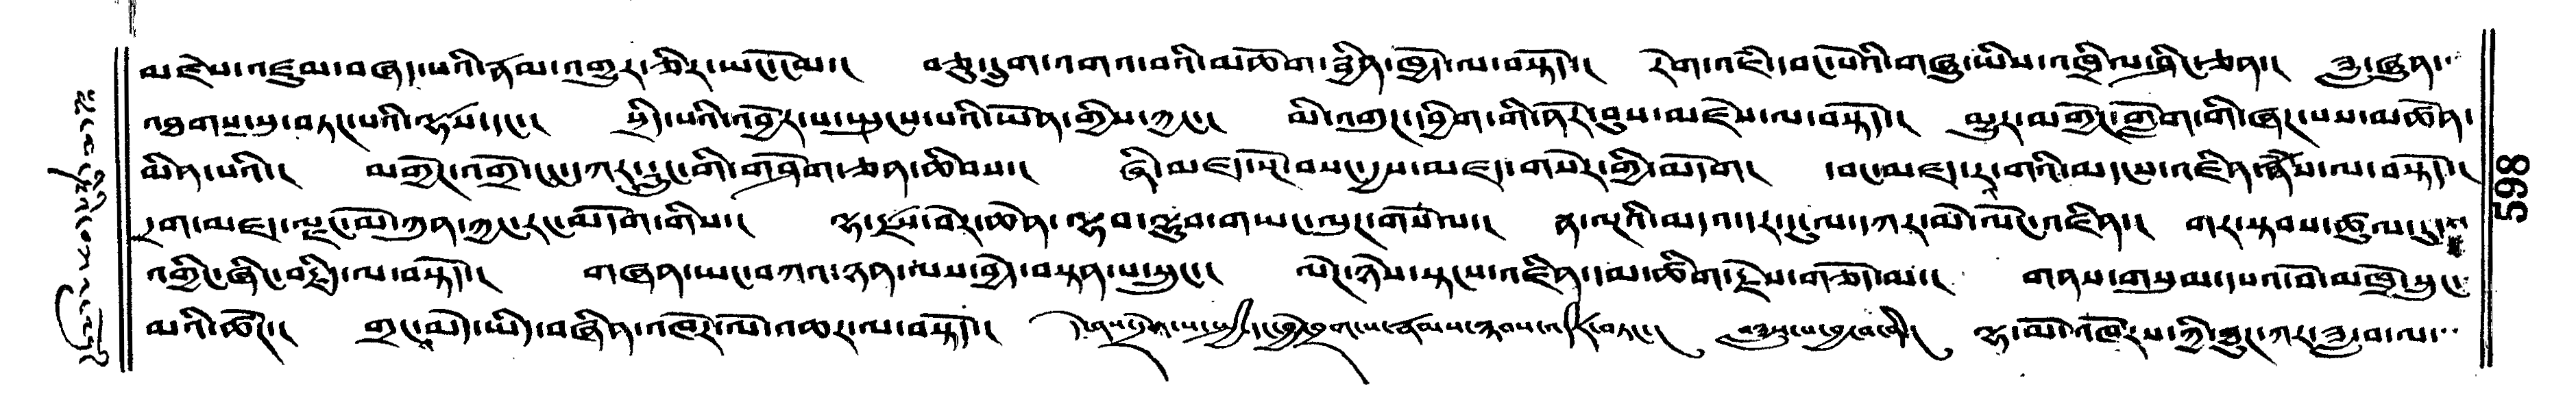།མཛེས་འཛུམ་བཞད་པའི་རྣམ་འགྱུར་ཅིར་ཡང་ངོམ། །བཅུ་དྲུག་དགའ་བའི་མཆོག་སྦྱིན་ཁྱོད་ལ་བསྟོད། །རེག་འཇམ་དབང་པོའི་གཞུ་ཡིས་འཁྲི་ཤིང་ཅན། །ཟླ་ཞུན་
འཐགས་སུ་བཏགས་པའི་ལྷ་རྫས་དང་། །སྲིད་པའི་འབྱོར་པ་སྤུངས་པའི་ཡོན་གྱིས་ཀྱང་། །མི་ཁུག་དབྱིག་གི་ནོར་བུས་མཛེས་ལ་བསྟོད། །མྱུར་གྱོགས་གློག་གི་ཞགས་པས་མཚོན་
མིན་པའི། །མགྱོགས་འགྲོ་ངང་དཀར་རླུང་གི་གཤོག་ཅན་བཅྀབས། །ཞི་མཛད་སྔོ་སངས་རྒྱས་མཛད་གསེར་གྱི་མདོག །དབང་མཛད་རཱ་གའི་མདངས་འཛིན་རྣམས་ལ་བསྟོད། །
དྲག་མཛད་ལྗང་མོ་ཀུན་ཀྱང་རང་མདོག་གིས། །ལྷ་རྫས་བེར་ཆེན་ལྷབ་ལྷུབ་གཡང་ལུགས་གསོལ། །སྣ་ལྔའི་མདའ་དར་དངུལ་དཀར་མེ་ལོང་འཛིན། །གར་སྟབས་ཚུལ་དུ་
འགྱིང་ཞིང་བརྗིད་ལ་བསྟོད། །གཞན་ཡང་བཀའ་ཉན་ལས་བྱེད་བསྟན་པ་སྲུང་། །ལེགས་ཉེས་སྟངས་འཛིན་དམ་ཚིག་རྗེས་གཅོད་མ། །གནས་གསུམ་དཔའ་བོ་མཁའ་འགྲོ་སྲུང་
མའི་ཚོགས། །གྲངས་མེད་ཡིད་བཞིན་འཁོར་ལོར་འཆར་ལ་བསྟོད།།དེ་ནས་དྲེགས་པ་སྤྱི་དང་བྱེ་བྲག་པ་རྣམས་སྐབས་འདིར་གཏང་། བཟླས་པ་བྱ་བ་ནི། ལྷ་མོ་འཁོར་བཅས་ཀྱི་ཐུགས་ཀར་ཟླ་བ་ལ་